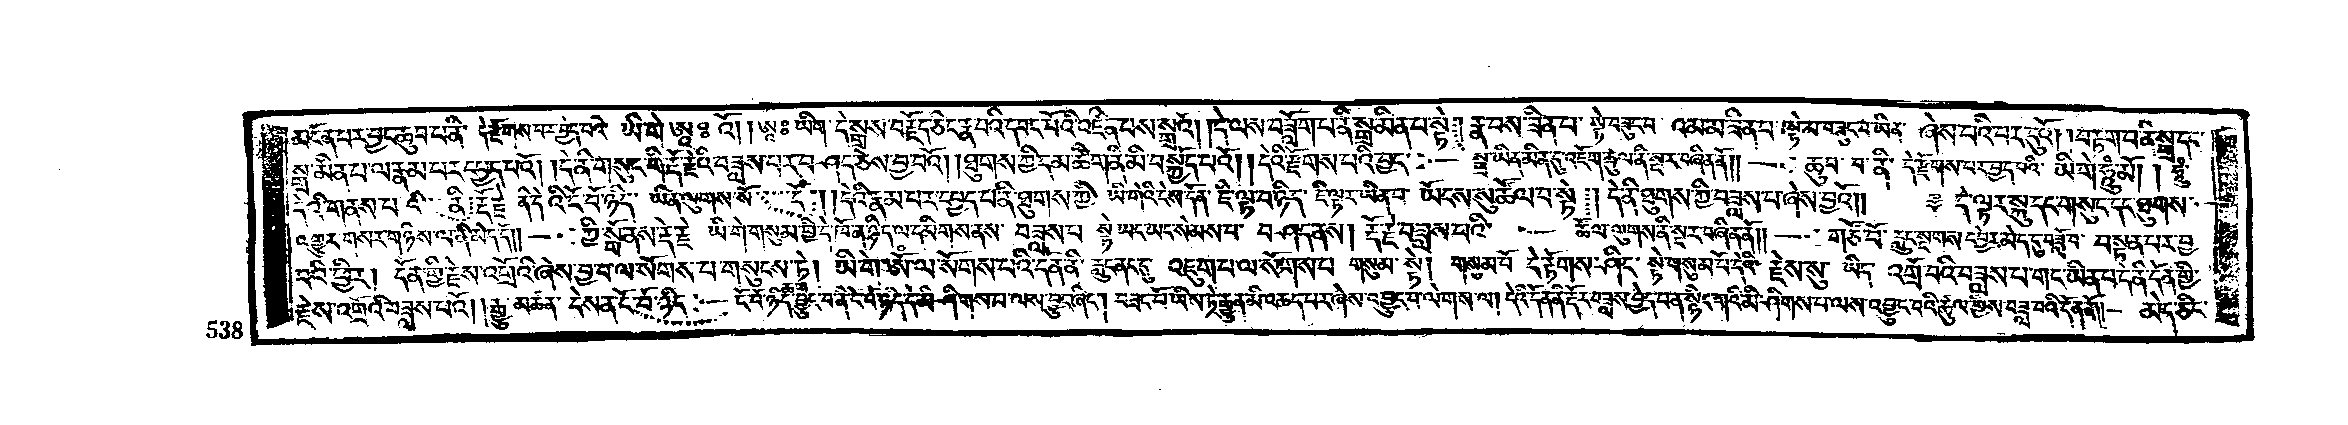མངོན་པར་བྱང་ཆུབ་པ་ནི་དེ་རྫོགས་པར་བྱེད་པའི་ཡི་གེ་ཨཱཿ འོ། །ཨཱཿ ཡིག་དེ་སྒྲས་བརྗོད་ཅིང་རྣ་བའི་དབང་པོའི་འཛིན་པས་སྒྲའོ། །དེ་ལས་བཟློག་པ་ནི་སྒྲ་མིན་པ་སྟེ། རྣ་བས་ཟིན་པ་སྟེ་བཟུང་བའམ་མ་ཟིན་པ་སྟེ་མ་བཟུང་བ་ཡིན་ཞེས་པའི་བར་དུའོ། །༢་བརྟག་པ་ནི་སྒྲ་དང་
སྒྲ་མིན་པ་ལ་རྣམ་པར་དཔྱད་པའོ། །དེ་ནི་གསུང་གི་རྡོ་རྗེའི་བཟླས་པར་བཤད་ཅེས་བྱ་བའོ། །ཐུགས་ཀྱི་དམ་ཚིག་ནི་མི་བསྐྱོད་པའོ། །དེའི་རྫོགས་པའི་བྱངཿ་སྒྲ་ཡིན་མིན་དུ་འཇོག་ཚུལ་ནི་སྔར་བཞིན་ནོ།།.H ཆུབ་བ་ནི་དེ་རྫོགས་པར་བྱད་པའི་ཡི་གེ་ཧཱུཾ་མོ། །ཧཱུཾ་
དེའི་གནས་པའི་ནི་རྡོ་རྗེ་ནི་དེའི་ངོ་བོ་ཉིད་ཡིན་ལུགས་སོ་ངོ། །དེའི་རྣམ་པར་དཔྱད་པ་ནི་ཐུགས་ཀྱི་ཡི་གེའི་ངེས་དོན་ཇི་ལྟར་བ་ཉིད་ཇི་ལྟར་ཡིན་པ་ཡོངས་སུ་ཚོལ་བ་སྟེ། དེ་ནི་ཐུགས་ཀྱི་བཟླས་པ་ཞེས་བྱའོ།། ༈ དེ་ལྟར་སྐུ་དང་གསུང་དང་ཐུགས་
འགྱུར་གསར་གཉིས་ལ་ནི་མེད་དོ།། .H ཀྱི་སྒོ་ནས་རྡོ་རྗེ་ཡི་གེ་གསུམ་གྱི་དེ་ཁོ་ན་ཉིད་ལ་དམིགས་ནས་བཟླས་པ་སྟེ་ཡང་ཡང་སེམས་པ་བཤད་ནས། རྡོ་རྗེ་བཟླས་པའིཿ་ཚོལ་ལུགས་ནི་སྔར་བཞིན་ནོ།། .H གཙོ་བོ་རླུང་སྔགས་དབྱེར་མེད་དུ་བཟློ་བ་བསྟན་པར་བྱ་
བའི་ཕྱིར། དོན་གྱི་རྗེས་འགྲོའི་ཞེས་བྱ་བ་ལ་སོགས་པ་གསུངས་ཏེ། ཡི་གེ་ཨོཾ་ལ་སོགས་པའི་དོན་ནི་རླུང་ནང་དུ་འཇུག་པ་ལ་སོགས་པ་གསུམ་སྟེ། གསུམ་པོ་དེ་རྟོགས་ཤིང་སྟེ་གསུམ་པོ་དེའི་རྗེས་སུ་ཡིད་འགྲོ་བའི་བཟླས་པ་གང་ཡིན་པ་ད་ནི་དོན་གྱི་
རྗེས་འགྲོའི་བཟླས་པའོ། །རྒྱུ་མཚན་དེས་ན་ངོ་བོ་ཉིདཿ་ངོ་བོ་ཉིད་ཆག་བྱུང་བ་ནི་ངོ་བོ་ཉིད་དེ་མི་ཤིགས་པ་ལས་བྱུང་ཞིང་། བཟང་པོ་ཡིས་ཏེ་རྒྱུན་མི་འཆད་པར་ཞེས་འབྱུང་བ་ལེགས་ལ། དེའི་དོན་ནི་རྡོར་བཟླས་བྱེད་པ་ན་སྙིང་གའི་མི་ཤིགས་པ་ལས་འབྱུང་བའི་ཚུལ་གྱིས་བཟླ་བའི་དོན་ནི།། .H མེད་ཅིང་